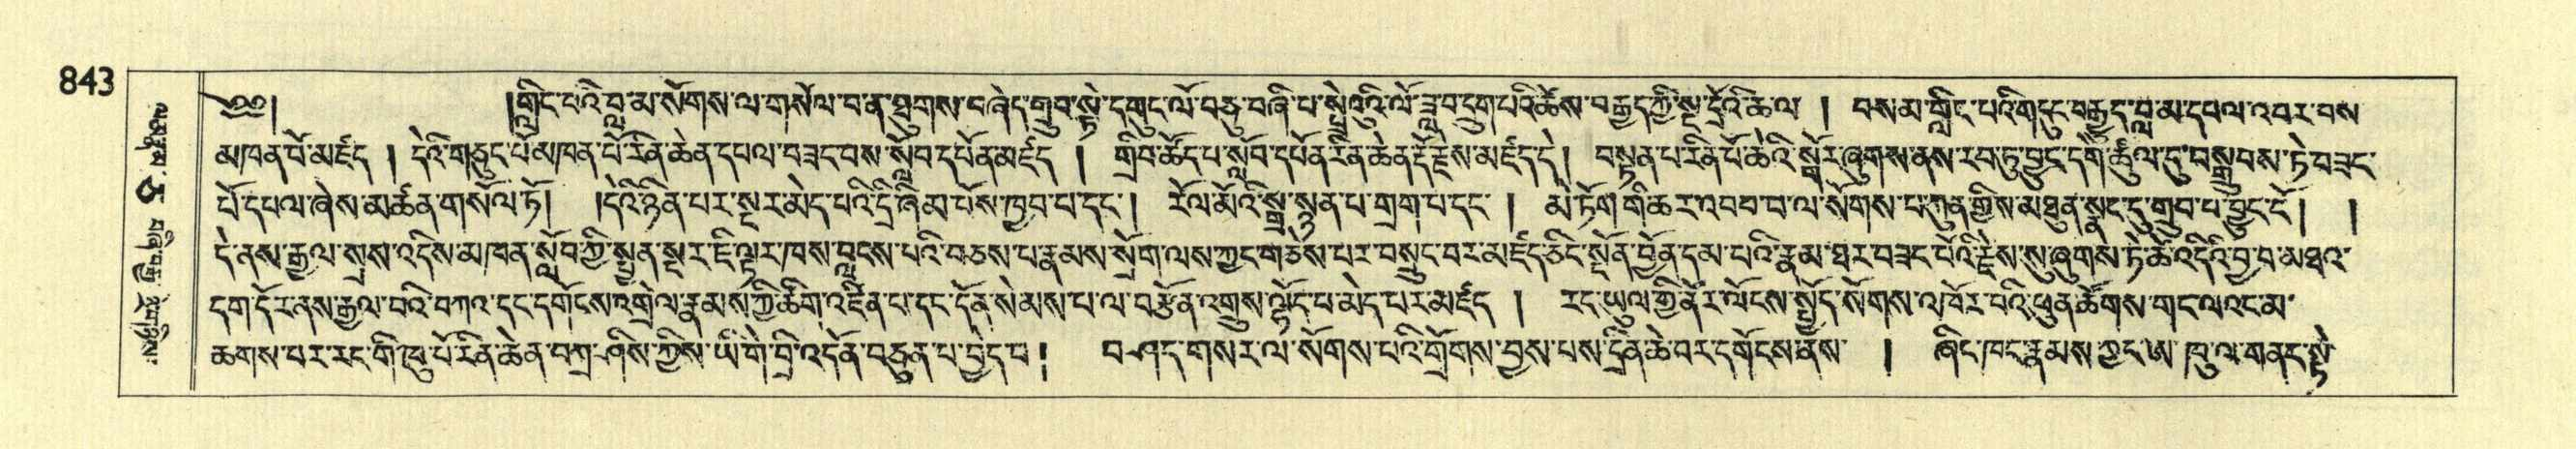༄༅། །གླིང་པའི་བླ་མ་སོགས་ལ་གསོལ་བ་ན་ཐུགས་བཞེད་གྲུབ་སྟེ་དགུང་ལོ་བཅུ་བཞི་པ་སྤྲེའུའི་ལོ་ཟླ་བ་དྲུག་པའི་ཚེས་བརྒྱད་ཀྱི་སྔ་དྲོའི་ཆི་ལ། བསམ་གླིང་པའི་གདུང་བརྒྱད་བླ་མ་དཔལ་འབར་བས་
མཁན་པོ་མཛད། དེའི་གཅུང་པོ་མཁན་པོ་རིན་ཆེན་དཔལ་བཟང་བས་སློབ་དཔོན་མཛད། གྲིབ་ཚོད་པ་སློབ་དཔོན་རིན་ཆེན་རྡོ་རྗེས་མཛད་དེ། བསྟན་པ་རིན་པོ་ཆེའི་སྒོར་ཞུགས་ནས་རབ་ཏུ་བྱུང་དགེ་ཚུལ་དུ་བསྒྲུབས་ཏེ་བཟང་
པོ་དཔལ་ཞེས་མཚན་གསོལ་ཏོ། །དེའི་ཉིན་པར་སྔར་མེད་པའི་དྲི་ཞིམ་པོས་ཁྱབ་པ་དང་། རོལ་མོའི་སྒྲ་སྙན་པ་གྲག་པ་དང་། མེ་ཏོག་གི་ཆར་འབབ་བ་ལ་སོགས་པ་ཀུན་གྱིས་མཐུན་སྣང་དུ་གྲུབ་པ་བྱུང་ངོ། །
དེ་ནས་རྒྱལ་སྲས་འདིས་མཁན་སློབ་ཀྱི་སྤྱན་སྔར་ཇི་ལྟར་ཁས་བླངས་པའི་བཅས་པ་རྣམས་སྲོག་ལས་ཀྱང་གཅེས་པར་བསྲུང་བར་མཛད་ཅིང་སྔོན་བྱོན་དམ་པའི་རྣམ་ཐར་བཟང་པོའི་རྗེས་སུ་ཞུགས་ཏེ་ཚེ་འདིའི་བྱ་བ་མཐའ་
དག་དོར་ནས་རྒྱལ་བའི་བཀའ་དང་དགོངས་འགྲེལ་རྣམས་ཀྱི་ཚིག་འཛིན་པ་དང་དོན་སེམས་པ་ལ་བརྩོན་འགྲུས་ལྷོད་པ་མེད་པར་མཛད། རང་ཡུལ་གྱི་ནོར་ལོངས་སྤྱོད་སོགས་འཁོར་བའི་ཕུན་ཚོགས་གང་ལའང་མ་
ཆགས་པར་རང་གི་ཁུ་པོ་རིན་ཆེན་བཀྲ་ཤིས་ཀྱིས་ཡི་གེ་བྲི་འདོན་བཅུན་པ་བྱེད་པ། བཤད་གསར་ལ་སོགས་པའི་གྲོགས་བྱས་པས་དྲིན་ཆེ་བར་དགོངས་ནས། ཞིང་ཁང་རྣམས་ཀྱང་ཨ་ཁུ་ལ་གནང་སྟེ་